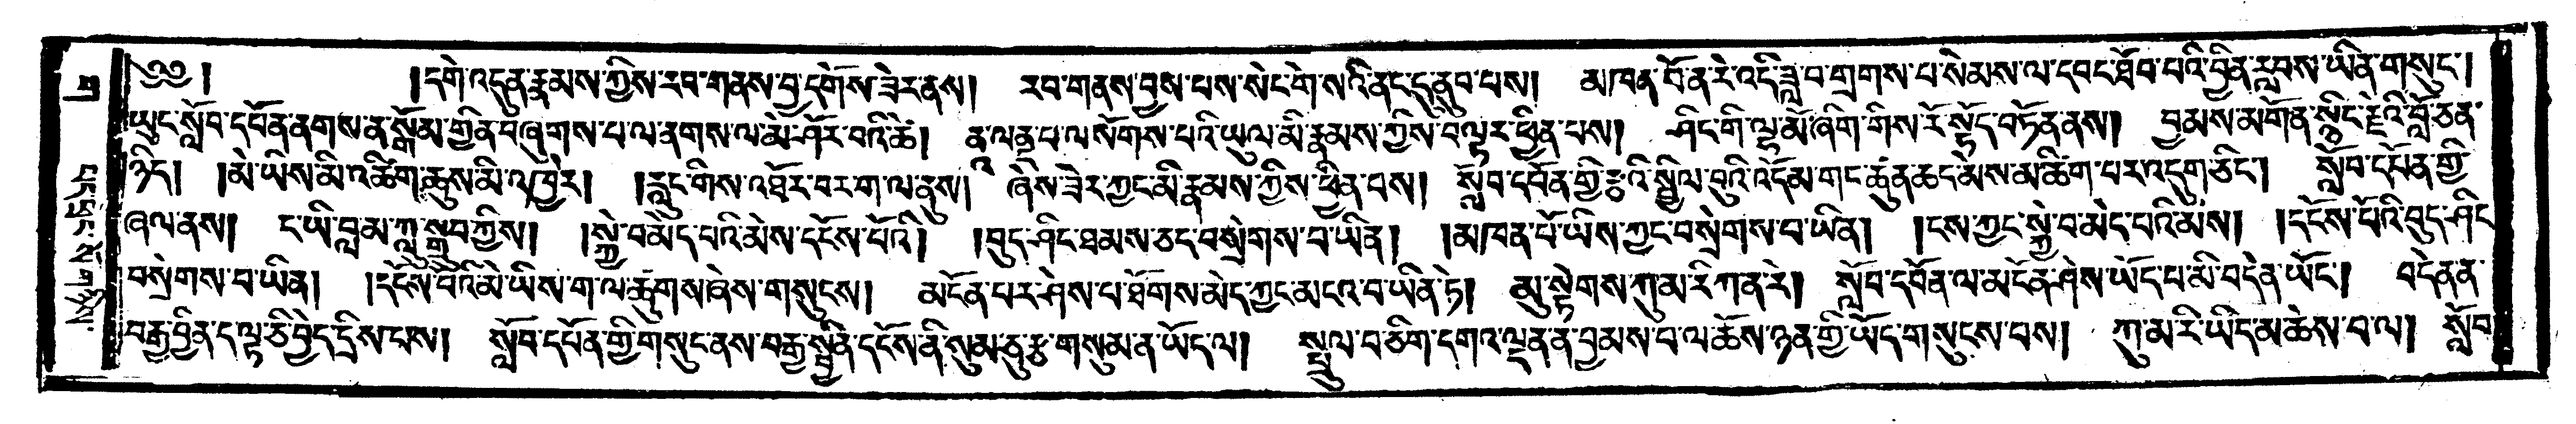༄༅། །དགེ་འདུན་རྣམས་ཀྱིས་རབ་གནས་བྱ་དགོས་ཟེར་ནས། རབ་གནས་བྱས་པས་སེང་གེ་སའི་ནང་དུ་ནུབ་པས། མཁན་པོ་ན་རེ་འདི་ཟླ་བ་གྲགས་པ་སེམས་ལ་དབང་ཐོབ་པའི་བྱིན་རླབས་ཡིན་གསུང་།
ཡུང་སློབ་དཔོན་ནགས་ན་སྒོམ་གྱིན་བཞུགས་པ་ལ་ནགས་ལ་མེ་ཤོར་བའི་ཚེ། ནཱ་ལནྡ་པ་ལ་སོགས་པའི་ཡུལ་མི་རྣམས་ཀྱིས་བལྟར་ཕྱིན་པས། ཤིང་གི་ལྷ་མོ་ཞིག་གིས་རོ་སྟོད་བཏོན་ནས། བྱམས་མགོན་སྙིང་རྗེའི་བློ་ཅན་
ཉིད། །མེ་ཡིས་མི་འཚིག་ཆུས་མི་འཁྱེར། །རླུང་གིས་འཐོར་བར་ག་ལ་ནུས། །ཞེས་ཟེར་ཀྱང་མི་རྣམས་ཀྱིས་ཕྱིན་པས། སློབ་དཔོན་གྱི་རྩའི་སྤྱིལ་བུའི་འདོམ་གང་ཚུན་ཆད་མེས་མ་ཚིག་པར་འདུག་ཅིང་། སློབ་དཔོན་གྱི་
ཞལ་ནས། ང་ཡི་བླ་མ་ཀླུ་སྒྲུབ་ཀྱིས། །སྐྱེ་བ་མེད་པའི་མེས་དངོས་པོའི། །བུད་ཤིང་ཐམས་ཅད་བསྲེགས་པ་ཡིན། །མཁན་པོ་ཡིས་ཀྱང་བསྲེགས་པ་ཡིན། །ངས་ཀྱང་སྐྱེ་བ་མེད་པའི་མས། །དངོས་པོའི་བུད་ཤིང་
བསྲེགས་པ་ཡིན། །དངོས་པོའི་མེ་ཡིས་ག་ལ་ཚུགས་ཞེས་གསུངས། མངོན་པར་ཤེས་པ་ཐོགས་མེད་ཀྱང་མངའ་བ་ཡིན་ཏེ། མུ་སྟེགས་ཀུ་མ་རི་ཀ་ན་རེ། སློབ་དཔོན་ལ་མངོན་ཤེས་ཡོད་པ་མི་བདེན་ཡོད། བདེན་ན་
བརྒྱ་བྱིན་ད་ལྟ་ཅི་བྱེད་དྲིས་པས། སློབ་དཔོན་གྱི་གསུང་ནས་བརྒྱ་སྦྱིན་དངོས་ནི་སུམ་ཅུ་རྩ་གསུམ་ན་ཡོད་ལ། སྤྲུལ་པ་ཅིག་དགའ་ལྡན་ན་བྱམས་པ་ལ་ཆོས་ཉན་གྱི་ཡོད་གསུངས་པས། ཀུ་མ་རི་ཡིད་མ་ཆེས་པ་ལ། སློབ་